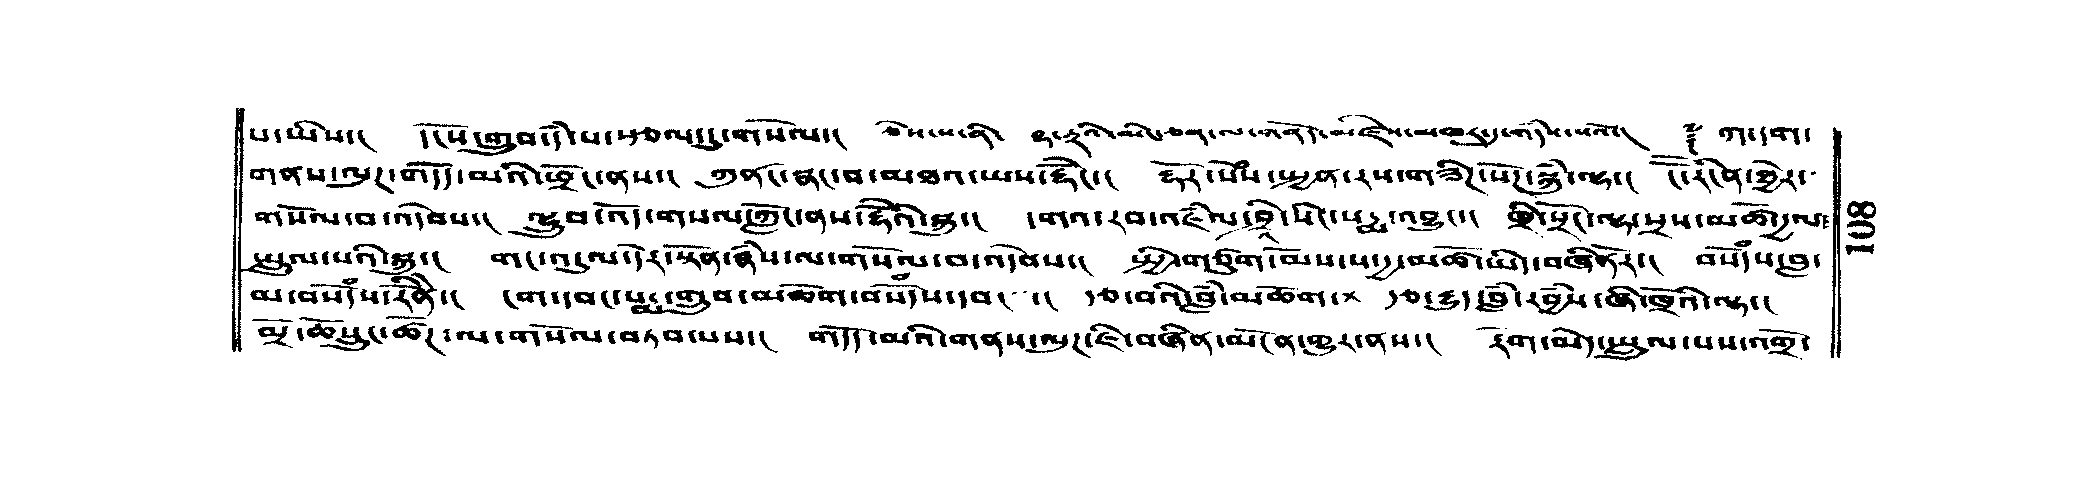པ་ཡིས། །དངོས་གྲུབ་དམ་པ་བསྩལ་དུ་གསོལ། ཅེས་པ་ནི་བྷ་དྲའི་མིང་ཅན་ལ་གནོད་མཛེས་མཐར་དུ་གདམས་པའོ། ༈ ཀ་དག་
གནས་ལུགས་གདོད་མའི་ཕོ་བྲང་ནས། །ཀུན་བཟང་སྣང་བ་མཐས་ཡས་རྡོ་རྗེ་འཆང་། །རྡོར་སེམས་སྤྱན་རས་གཟིགས་སོགས་སྐུ་གསུམ་ལྷ། །ངོ་བོ་རང་བཞིན་ཐུགས་རྗེར་
གསོལ་བ་འདེབས། །ལྷུན་གྲུབ་འོད་གསལ་ཀློང་ནས་རྡོ་རྗེའི་སྐུ། །དགའ་རབ་འཇམ་དཔལ་ཤྲཱི་སིང་པདྨ་འབྱུང་། །ཁྲི་སྲོང་ལྷ་སྲས་མཚོ་རྒྱལ་
སྤྲུལ་པའི་སྐུ། །གང་འདུལ་དེར་སྟོན་རྣམས་ལ་གསོལ་བ་འདེབས། །སྤྱི་གཙུག་མོས་པ་རྒྱ་མཚོ་ཡིད་བཞིན་ནོར། །བསོད་ནམས་བླ་
མ་བསོད་ནམས་རིན་པོ་ཆེ། །ངག་དབང་པདྨ་གྲུབ་མཆོག་བསོད་ནམས་དབང་། །རྩ་བའི་བླ་མའི་མཆོག༴ །རྩ་རྒྱུད་བླ་མ་རབ་འབྱམས་ཞི་ཁྲོའི་ལྷ། །
མཁའ་འགྲོ་ཆོས་སྲུང་ཚོགས་ལ་གསོལ་བཏབ་པས། །གདོད་མའི་གནས་ལུགས་ཇི་བཞིན་མངོན་གྱུར་ནས། །རྟོག་མེད་སྤྲུལ་པས་འགྲོ་